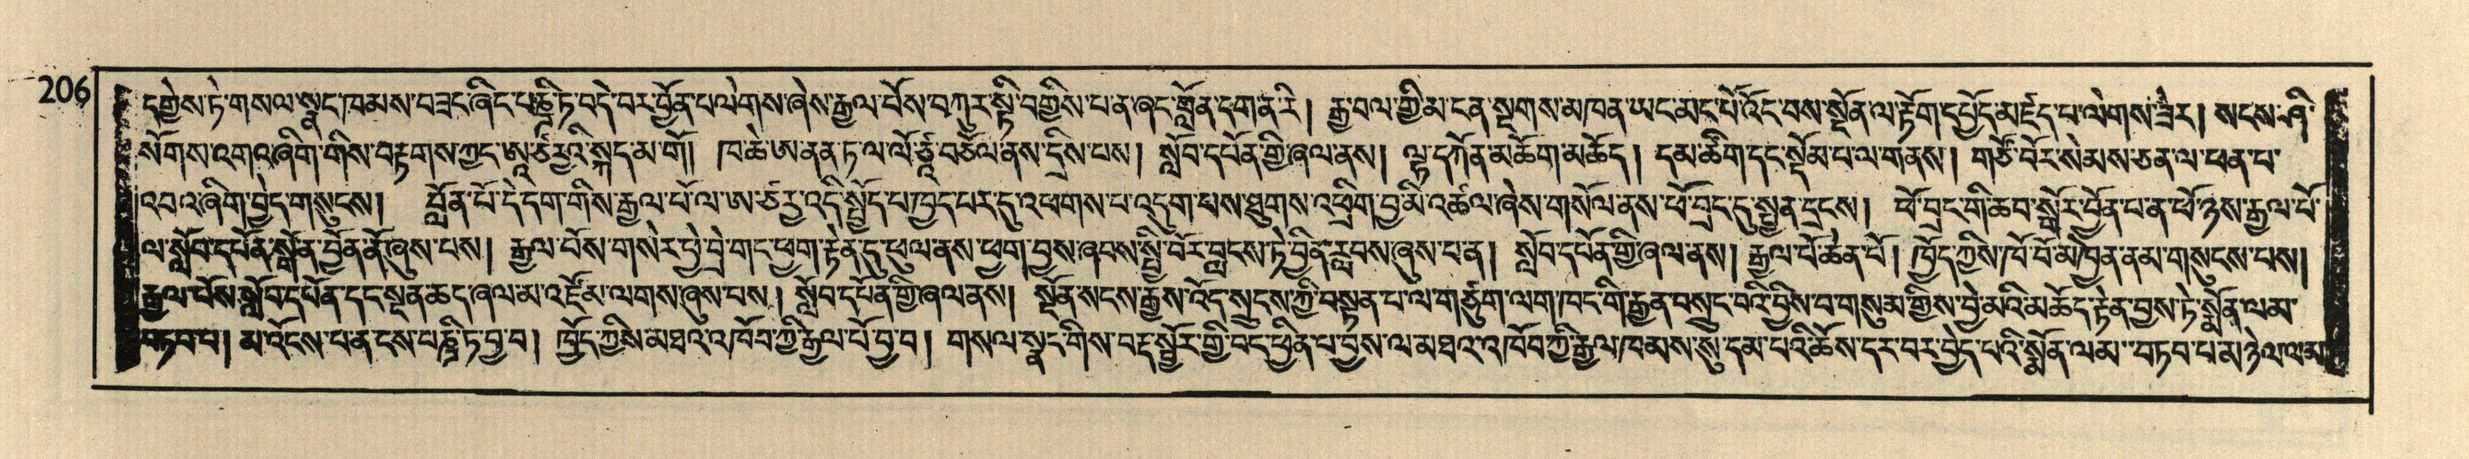དགྱེས་ཏེ་གསལ་སྣང་ཁམས་བཟང་ཞིང་པཎྜི་ཏ་བདེ་བར་བྱོན་པ་ལེགས་ཞེས་རྒྱལ་པོས་བཀུར་སྟི་བགྱིས་པ་ན་ཞང་བློན་དག་ན་རི། རྒྱ་བལ་གྱི་མངན་སྔགས་མཁན་ཡང་མང་པོ་འོང་བས་སྔོན་ལ་རྟོག་དཔྱོད་མཛད་པ་ལེགས་ཟེར། སངས་ཤི་
སོགས་འགའ་ཞིག་གིས་བརྟགས་ཀྱང་ཨཱ་ཙརྱའི་སྐད་མ་གོ། ཁ་ཆེ་ཨ་ནན་ཏ་ལ་ལོ་ཙཱ་བཅོལ་ནས་དྲིས་པས། སློབ་དཔོན་གྱི་ཞལ་ནས། ལྷ་དཀོན་མཆོག་མཆོད། དམ་ཚིག་དང་སྡོམ་པ་ལ་གནས། གཙོ་བོར་སེམས་ཅན་ལ་ཕན་པ་
འབའ་ཞིག་བྱེད་གསུངས། བློན་པོ་དེ་དག་གིས་རྒྱལ་པོ་ལ་ཨ་ཙརྱ་འདི་སྤྱོད་པ་ཁྱད་པར་དུ་འཕགས་པ་འདུག་པས་ཐུགས་འཕྲིག་བྱ་མི་འཚལ་ཞེས་གསོལ་ནས་ཕོ་བྲང་དུ་སྤྱན་དྲངས། ཕོ་བྲང་གི་ཆབ་སྒོར་བྱོན་པ་ན་ཕོ་ཉས་རྒྱལ་པོ་
ལ་སློབ་དཔོན་སྒོ་ན་བྱོན་ནོ་ཞུས་པས། རྒྱལ་པོས་གསེར་ཕྱེ་བྲེ་གང་ཕྱག་རྟེན་དུ་ཕུལ་ནས་ཕྱག་བྱས་ཞབས་སྤྱི་བོར་བླངས་ཏེ་བྱིན་རླབས་ཞུས་པ་ན། སློབ་དཔོན་གྱི་ཞལ་ནས། རྒྱལ་པོ་ཆེན་པོ། ཁྱོད་ཀྱིས་ཁོ་བོ་མཁྱེན་ནམ་གསུངས་པས།
རྒྱལ་པོས་སློབ་དཔོན་དང་སྡན་ཆད་ཞལ་མ་འཛོམ་ལགས་ཞུས་པས། སློབ་དཔོན་གྱི་ཞལ་ནས། སྔོན་སངས་རྒྱས་འོད་སྲུངས་ཀྱི་བསྟན་པ་ལ་གཙུག་ལག་ཁང་གི་རྒྱན་བསྲུང་བའི་བྱིས་པ་གསུམ་གྱིས་བྱེ་མའི་མཆོད་རྟེན་བྱས་ཏེ་སྨོན་ལམ་
བཏབ་པ། མ་འོངས་པ་ན་ངས་པཎྜི་ཏ་བྱ་བ། ཁྱོད་ཀྱིས་མཐའ་འཁོབ་ཀྱི་རྒྱལ་པོ་བྱ་བ། གསལ་སྣང་གིས་བརྡ་སྦྱོར་གྱི་བང་ཕྱིན་པ་བྱས་ལ་མཐའ་འཁོབ་ཀྱི་རྒྱལ་ཁམས་སུ་དམ་པའི་ཆོས་དར་བར་བྱེད་པའི་སྨོན་ལམ་བཏབ་པ་མཉེལ་ལམ་